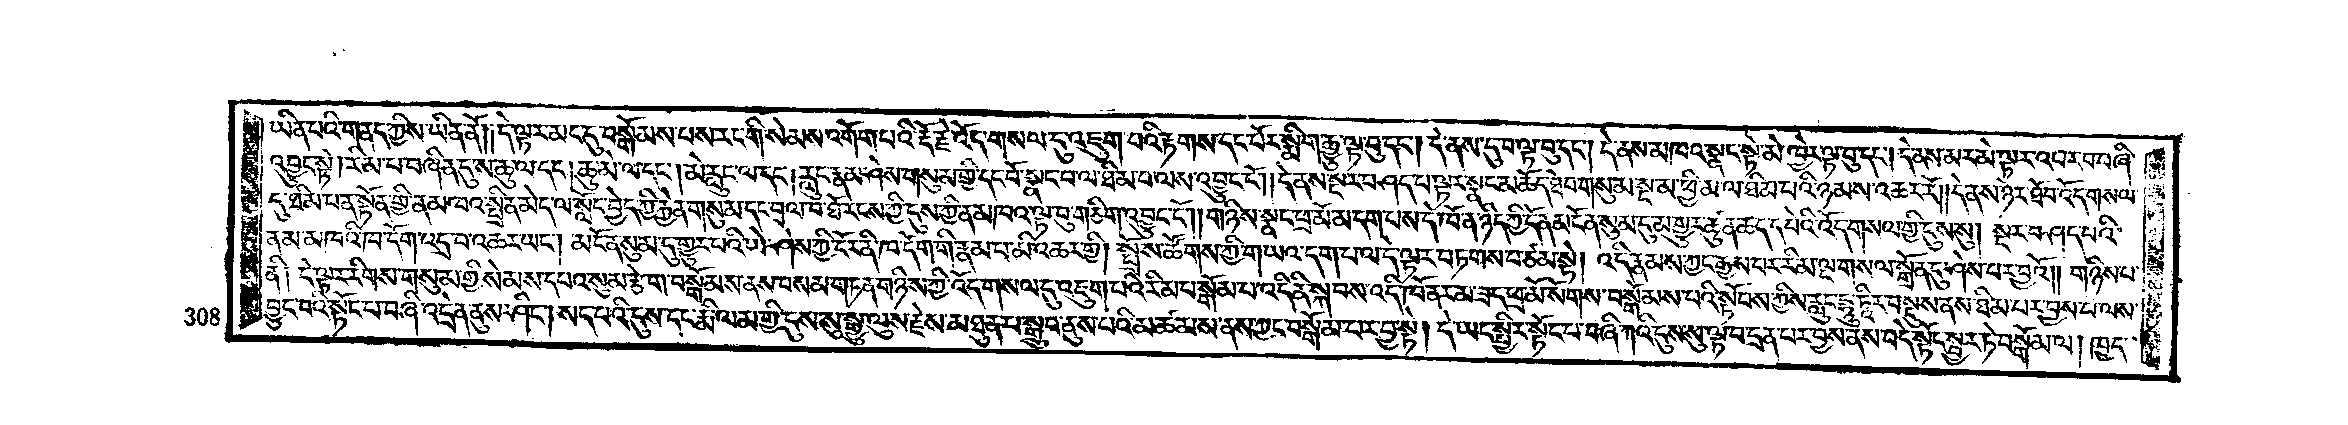ཡིན་པའི་གནད་ཀྱིས་ཡིན་ནོ། །དེ་ལྟར་མང་དུ་བསྒོམས་པས་རང་གི་སེམས་འགོག་པའི་རྡོ་རྗེ་འོད་གསལ་དུ་འཇུག་པའི་རྟགས་དང་པོར་སྨིག་རྒྱུ་ལྟ་བུ་དང་། དེ་ནས་དུ་བ་ལྟ་བུ་དང་། དེ་ནས་མཁའ་སྣང་སྟེ་མེ་ཁྱེར་ལྟ་བུ་དང་། དེ་ནས་མར་མེ་ལྟར་འབར་བ་བཞི་
འབྱུང་སྟེ། རིམ་པ་བཞིན་དུ་ས་ཆུ་ལ་དང་། ཆུ་མེ་ལ་དང་། མེ་རླུང་ལ་དང་། རླུང་རྣམ་ཤེས་གསུམ་གྱི་དང་པོ་སྣང་བ་ལ་ཐིམ་པ་ལས་འབྱུང་ངོ། །དེ་ནས་སྔར་བཤད་པ་ལྟར་སྣང་མཆེད་ཐོབ་གསུམ་སྔ་མ་ཕྱི་མ་ལ་ཐིམ་པའི་ཉམས་འཆར་རོ། །དེ་ནས་ཉེར་ཐོབ་འོད་གསལ་
དུ་ཐིམ་པ་ན་སྟོན་གྱི་ནམ་མཁའ་སྤྲིན་མེད་ལ་སློང་བྱེད་ཀྱི་རྐྱེན་གསུམ་དང་བྲལ་བ་ཐོ་རངས་ཀྱི་དུས་ཀྱི་ནམ་མཁའ་ལྟ་བུ་གཅིག་འབྱུང་ངོ། །གཉིས་སྣང་ཕྲ་མོ་མ་དག་པས་དེ་ཁོ་ན་ཉིད་ཀྱི་དོན་མངོན་སུམ་དུ་མ་གྱུར་ཚུན་ཆད་དཔེའི་འོད་གསལ་གྱི་དུས་སུ། སྔར་བཤད་པའི་
ནམ་མཁའི་ཁ་དོག་འདྲ་བ་འཆར་ཡང་། མངོན་སུམ་དུ་གྱུར་པའི་ཡེ་ཤེས་ཀྱི་ངོར་ནི་ཁ་དོག་གི་རྣམ་པ་མི་འཆར་གྱི། སྤྲོས་ཚོགས་ཀྱི་གཡའ་དག་པ་ལ་དེ་ལྟར་བཏགས་པ་ཙམ་སྟེ། འདི་རྣམས་ཀྱང་རྒྱས་པར་རིམ་ལྔ་གསལ་སྒྲོན་དུ་ཤེས་པར་བྱའོ། །གཉིས་པ་
ནི། དེ་ལྟར་རིགས་གསུམ་གྱི་སེམས་དཔའ་སུམ་རྩེག་བསྒོམས་ནས་བསམ་གཏན་གཉིས་ཀྱི་འོད་གསལ་དུ་འཇུག་པའི་རིམ་པ་བསྒོམ་པ་འདི་ནི་སྐབས་འདི་ཁོ་ནར་མ་ཟད་ཕྲ་མོ་སོགས་བསྒོམས་པའི་སྟོབས་ཀྱིས་རླུང་དྷཱུ་ཏཱིར་བསྡུས་ནས་ཐིམ་པར་བྱས་པ་ལས་
བྱུང་བའི་སྟོང་པ་བཞི་འདྲེན་ནུས་ཤིང་། སད་པའི་དུས་དང་རྨི་ལམ་གྱི་དུས་སུ་སྒྱུ་ལུས་རྗེས་མཐུན་པ་སྒྲུབ་ནུས་པའི་མཚམས་ནས་ཀྱང་བསྒོམ་པར་བྱ་སྟེ། དེ་ཡང་སྤྱིར་སྟོང་པ་བཞི་ཀའི་དུས་སུ་ལྟ་བ་དྲན་པར་བྱས་ནས་བདེ་སྟོང་སྦྱར་ཏེ་བསྒོམ་ལ། ཁྱད་